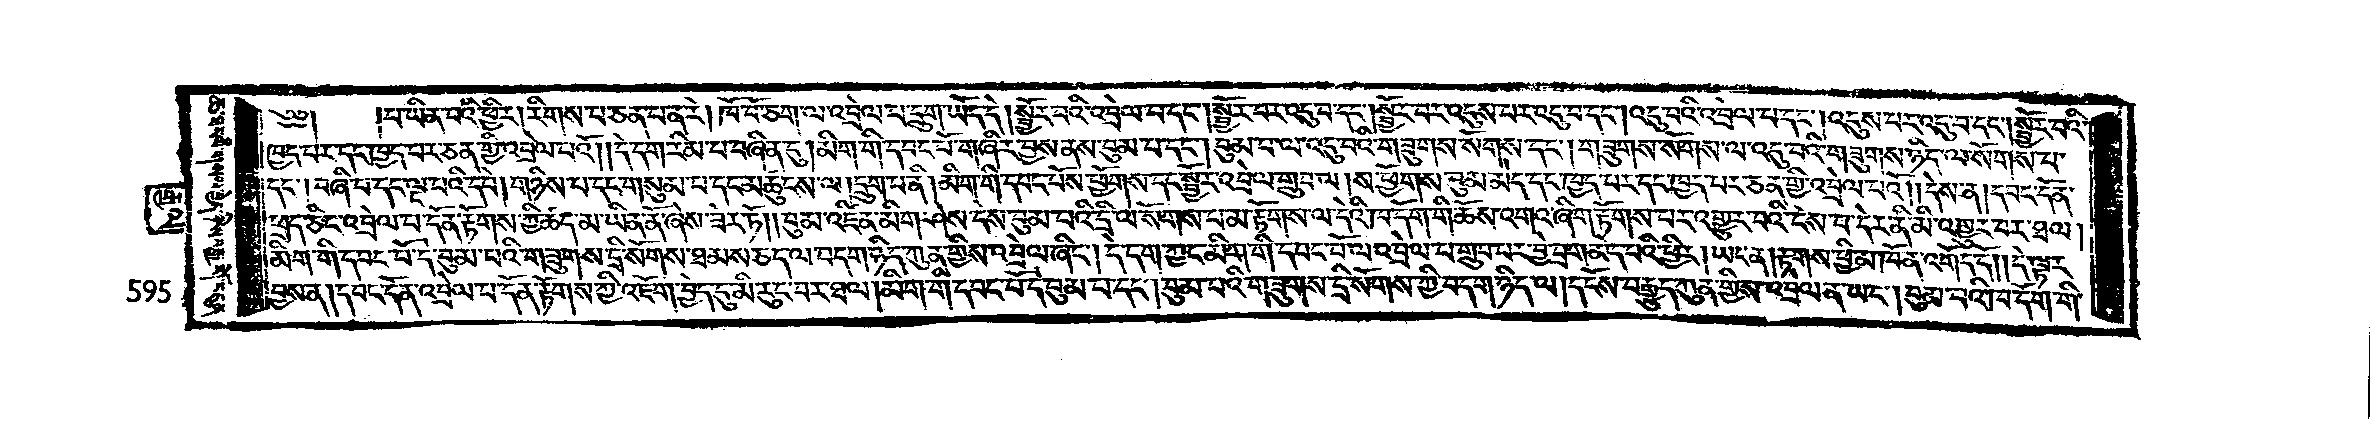༄༅། །པ་ཡིན་པའི་ཕྱིར། རིགས་པ་ཅན་པ་ན་རེ། ཁོ་བོ་ཅག་ལ་འབྲེལ་པ་དྲུག་ཡོད་དེ། སྦྱོར་བའི་འབྲེལ་པ་དང་། སྦྱོར་བར་འདུ་བ་དང་། སྦྱོར་བར་འདུས་པར་འདུ་བ་དང་། འདུ་བའི་འབྲེལ་པ་དང་།འདུས་པར་འདུ་བ་དང་།སྦྱོར་བའི་
ཁྱད་པར་དང་ཁྱད་པར་ཅན་གྱི་འབྲེལ་པའོ། །དེ་དག་རིམ་པ་བཞིན་དུ་།མིག་གི་དབང་པོ་གཞིར་བྱས་ནས་བུམ་པ་དང་། བུམ་པ་ལ་འདུ་བའི་གཟུགས་སོགས་དང་།གཟུགས་སོགས་ལ་འདུ་བའི་གཟུགས་ཉིད་ལ་སོགས་པ་
དང་། བཞི་པ་དང་ལྔ་པའི་དཔེ། གཉིས་པ་དང་གསུམ་པ་དང་མཚུངས་ལ། དྲུག་པ་ནི། མིག་གི་དབང་པོས་ཕྱོགས་དང་སྦྱོར་འབྲེལ་གྲུབ་ལ། ས་ཕྱོགས་བུམ་མེད་དང་ཁྱད་པར་དང་ཁྱད་པར་ཅན་གྱི་འབྲེལ་པའོ། །དེས་ན། དབང་དོན་
ཕྲད་ཅིང་འབྲེལ་པ་དོན་རྟོགས་ཀྱི་ཚད་མ་ཡིན་ནོ་ཞེས་ཟེར་ཏོ། །བུམ་འཛིན་མིག་ཤེས་དེས་བུམ་པའི་དྲི་ལ་སོགས་པ་མ་རྟོགས་ལ་དེའི་ཁ་དོག་གི་ཆོས་འགའ་ཞིག་རྟོགས་པར་འགྱུར་བའི་ངེས་པ་དེར་ནི་མི་འགྱུར་བར་ཐལ།
མིག་གི་དབང་པོ་དེ་བུམ་པའི་གཟུགས་དྲི་སོགས་ཐམས་ཅད་ལ་བདག་ཉིད་ཀུན་གྱིས་འབྲེལ་ཞིང་། དེ་དག་ཀྱང་མིག་གི་དབང་པོ་ལ་འབྲེལ་པ་གྲུབ་པར་བྱེ་བྲག་མེད་པའི་ཕྱིར། ཡང་ན། རྟགས་ཕྱི་མ་ཁོ་ན་འགོད་དོ། །དེ་ལྟར་
བྱས་ན། དབང་དོན་འབྲེལ་པ་དོན་རྟོགས་ཀྱི་འཇོག་བྱེད་དུ་མི་རུང་བར་ཐལ། མིག་གི་དབང་པོ་དེ་བུམ་པ་དང་། བུམ་པའི་གཟུགས་དྲི་སོགས་ཀྱི་བདག་ཉིད་ལ། དངོས་བརྒྱུད་ཀུན་གྱིས་འབྲེལ་ན་ཡང་། བུམ་པའི་ཁ་དོག་གི་